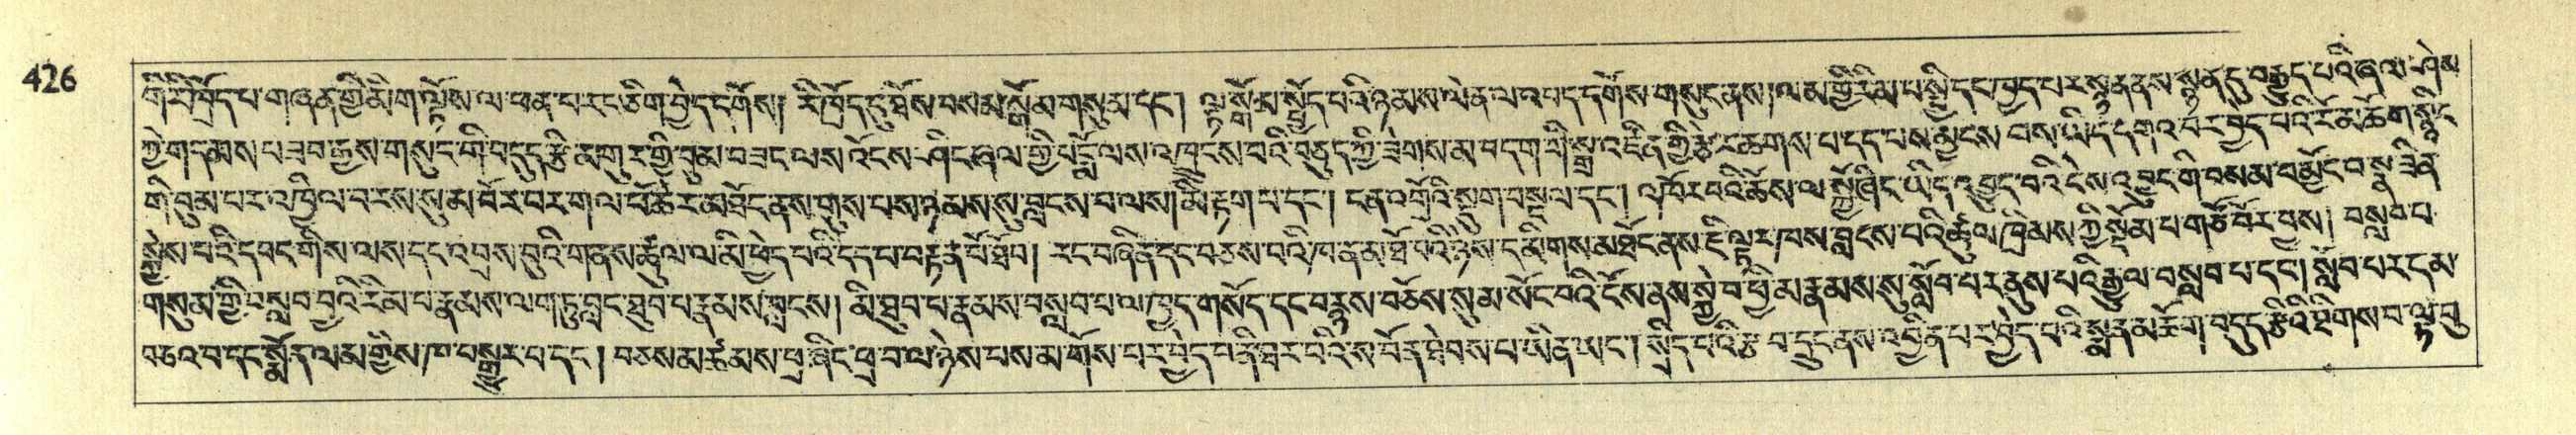གི་རི་ཁྲོད་པ་གཞན་གྱི་མིག་ལྟོས་ལ་ཕན་པ་རང་ཅིག་བྱེད་དགོས། རི་ཁྲོད་དུ་ཐོས་བསམ་སྒོམ་གསུམ་དང་། ལྟ་སྒོམ་སྤྱོད་པའི་ཉམས་ལེན་ལ་འབད་དགོས་གསུང་ནས་ལམ་གྱི་རིམ་པ་སྤྱི་དང་ཁྱད་པར་སྙན་ནས་སྙན་དུ་བརྒྱུད་པའི་ཞལ་ཤེས་
ཀྱེ་གདམས་པ་ཟབ་རྒྱས་གསུང་གི་བདུད་རྩི་མགུར་གྱི་བུམ་བཟང་ལས་འོངས་ཤིང་ཞལ་གྱི་པདམོ་ལས་འཁྲུངས་པའི་བཅུད་ཀྱི་ཟེགས་མ་བདག་གི་སྒྲ་འཛིན་གྱི་རྩེར་ཆགས་པ་དད་པས་མྱངས་བས་ཡིད་དགའ་བར་བྱེད་པའི་རོ་མཆོག་སྙིང་
གི་བུམ་པར་འཁྱིལ་བ་རས་སུམ་བོར་བར་གལ་པོ་ཆེར་མཐོང་ནས་གུས་པས་ཉམས་སུ་བླངས་བ་ལས། མི་རྟག་པ་དང་། ངན་འགྲོའི་སྡུག་བསྔལ་དང་། འཁོར་བའི་ཆོས་ལ་སྐྱོ་ཞིང་ཡིད་འབྱུང་བའི་ངེས་འབྱུང་གི་བསམ་བ་མྱོང་བ་སྣ་ཟིན་
སྐྱེས་པའི་དབང་གིས་ལས་དང་འབྲས་བུའི་གནས་ཚུལ་ལ་མི་ཕྱེད་པའི་དད་པ་བརྟན་པོ་ཐོབ། རང་བཞིན་དང་བཅས་པའི་ཁ་ན་མ་ཐོ་པའི་ཉེས་དམིགས་མཐོང་ནས་ཇི་ལྟར་ཁས་བླངས་པའི་ཚུལ་ཁྲིམས་ཀྱི་སྡོམ་པ་གཙོ་བོར་བྱས། བསླབ་པ་
གསུམ་གྱི་བསླབ་བྱའི་རིམ་པ་རྣམས་ལག་ཏུ་བླང་ཐུབ་པ་རྣམས་གླངས། མི་ཐུབ་པ་རྣམས་བསླབ་པ་ལ་ཁྱད་གསོད་དང་བརྙས་བཅོས་སུམ་སོང་བའི་ངོས་ནས་སྐྱེ་བ་ཕྱི་མ་རྣམས་སུ་སློབ་པར་ནུས་པའི་རྒྱུ་ལ་བསླབ་པ་དང་། སློབ་པར་དམ་
བཅའ་བ་དང་སྨོན་ལམ་གྱིས་ཁ་བསྒྱུར་པ་དང་། བཅས་མཚམས་ཕྲ་ཞིང་ཕྲ་བ་ལ་ཉེས་པས་མ་གོས་པར་བྱེད་པ་ནི་ཐར་པའི་ས་བོན་ཐེབས་པ་ཡིན་ཡང་། སྲིད་པའི་རྩ་བ་དྲུང་ནས་འབྱིན་པར་བྱེད་པའི་སྨན་མཆོག་བདུད་རྩིའི་ཐིགས་བ་ལྟ་བུ་